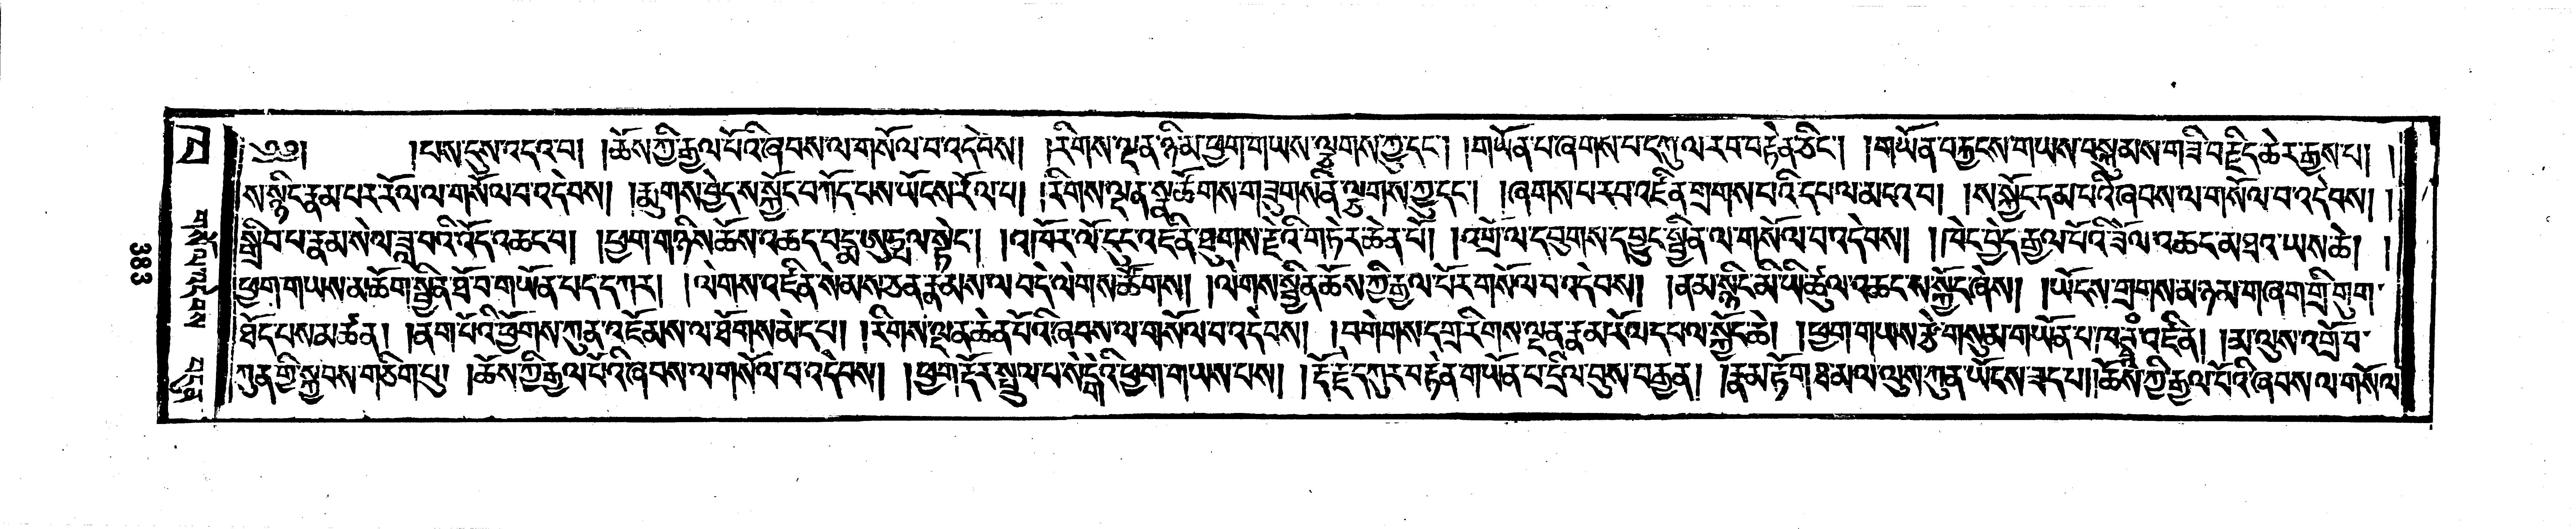༄༅། །པས་དུས་འདའ་བ། །ཆོས་ཀྱི་རྒྱལ་པོའི་ཞབས་ལ་གསོལ་བ་འདེབས། །རིགས་ལྡན་ཉི་མ་ཕྱག་གཡས་ལྕགས་ཀྱུ་དང་། །གཡོན་པ་ཞགས་པ་དཀུལ་རབ་བརྟེན་ཅིང་། །གཡོན་བརྐྱངས་གཡས་བསྐུམས་གཟི་བརྗིད་ཆེར་རྒྱས་པ། །
ས་སྙིང་རྣམ་པར་རོལ་ལ་གསོལ་བ་འདེབས། །རྨུགས་བྱེད་ས་སྐྱོང་བཀོད་པས་ཡོངས་རོལ་པ། །རིགས་ལྡན་སྣ་ཚོགས་གཟུགས་ནི་ལྕགས་ཀྱུ་དང་། །ཞགས་པ་རབ་འཛིན་གྲགས་པའི་དཔལ་མངའ་བ། །ས་སྐྱོང་དམ་པའི་ཞབས་ལ་གསོལ་བ་འདེབས། །
སྒྲིབ་པ་རྣམ་སེལ་ཟླ་བའི་འོད་འཆང་བ། །ཕྱག་གཉིས་ཆོས་འཆད་པདམ་ཨུཏྤལ་སྟེང་། །འཁོར་ལོ་དུང་འཛིན་ཐུགས་རྗེའི་གཏེར་ཆེན་པོ། །འགྲོ་ལ་དབུགས་དབྱུང་སྦྱིན་ལ་གསོལ་བ་འདེབས། །ཁེང་བྱེད་རྒྱལ་པོའི་ཟོལ་འཆང་མཐའ་ཡས་ཆེ། །
ཕྱག་གཡས་མཆོག་སྦྱིན་ཐོ་བ་གཡོན་པད་དཀར། །ལེགས་འཛིན་སེམས་ཅན་རྣམས་ལ་བདེ་ལེགས་ཚོགས། །ལེགས་སྦྱིན་ཆོས་ཀྱི་རྒྱལ་པོར་གསོལ་བ་འདེབས། །ནམ་སྙིང་མི་ཡི་ཚུལ་འཆང་ས་སྐྱོང་ཞེས། །ཡོངས་གྲགས་མཉམ་གཞག་གྲི་གུག་
ཐོད་པས་མཚན། །ནག་པོའི་ཕྱོགས་ཀུན་འཇོམས་ལ་ཐོགས་མེད་པ། །རིགས་ལྡན་ཆེན་པོའི་ཞབས་ལ་གསོལ་བ་འདེབས། །བགེགས་དགྲ་རིགས་ལྡན་རྣམ་རོལ་དཔལ་སྐྱོང་ཆེ། །ཕྱག་གཡས་རྩེ་གསུམ་གཡོན་པ་ཁ་ཊྭཱཾ་འཛིན། །མ་ལུས་འགྲོ་བ་
ཀུན་གྱི་སྐྱབས་གཅིག་པུ། །ཆོས་ཀྱི་རྒྱལ་པོའི་ཞབས་ལ་གསོལ་བ་འདེབས། །ཕྱག་རྡོར་སྤྲུལ་པ་སེངྒེའི་ཕྱག་གཡས་པས། །རྡོ་རྗེ་དཀུར་བརྟེན་གཡོན་པ་དྲིལ་བུས་བརྒྱན། །རྣམ་རྟོག་ཐ་མལ་ལུས་ཀུན་ཡོངས་ཟད་པ། །ཆོས་ཀྱི་རྒྱལ་པོའི་ཞབས་ལ་གསོལ་